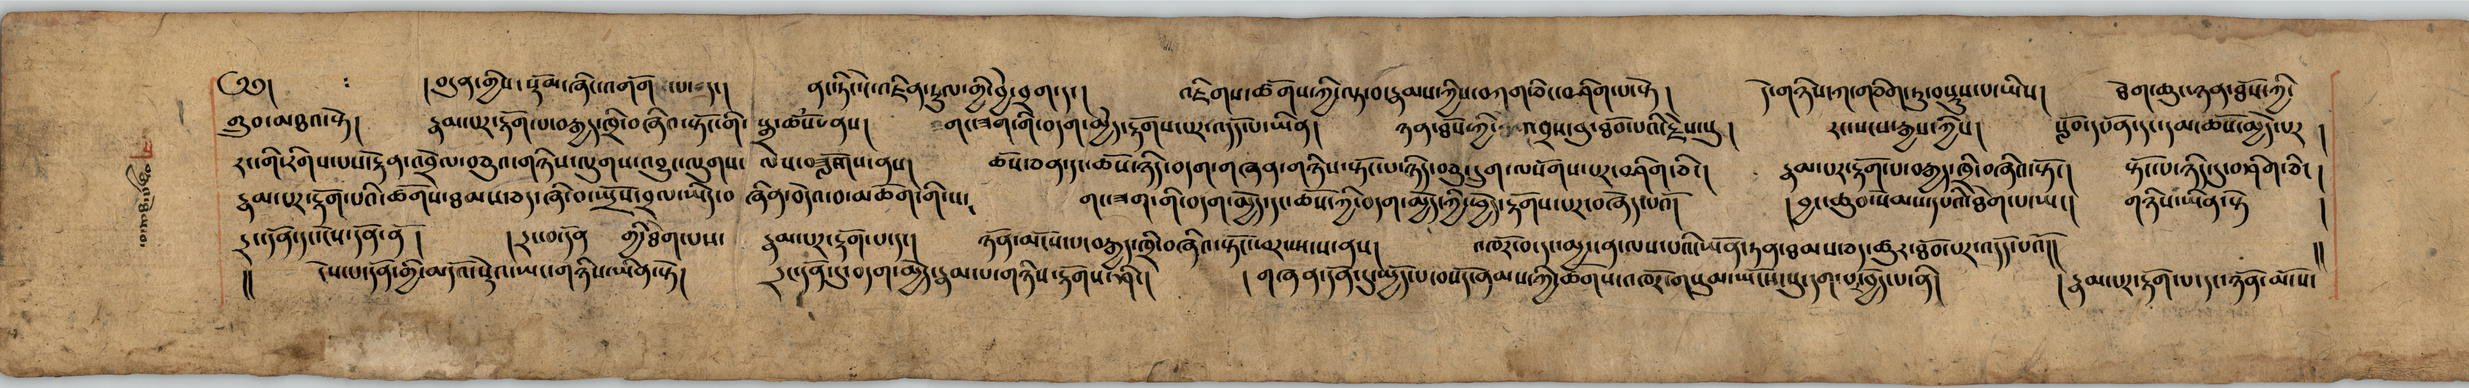༄༅། །བདུན་གྱིས་སྡོམ་ཞིང་འགོག་པ་དང། ནང་ཏིང་ངེ་འཛིན་རྡུལ་གྱི་བྱེ་བྲག་དང། འཇིག་ཚོགས་ཀྱི་ལྟ་བ་རྣམས་ཀྱིས་བཀག་ཅིང་བཤིག་པ་སྟེ། དེ་གཉིས་ལ་གཅིག་ཏུ་བསྡུས་པ་ཡིས། ཐེག་ཆུང་ཉན་ཐོས་ཀྱི་
གྲུབ་མཐའ་སྟེ། རྣམ་པར་རྟོག་པ་བརྒྱད་ཁྲི་བཞིའ་སྟོང་གི་སྒྲ་ཆོས་ནས། གང་ཟག་གི་བདག་མྱེད་རྟོགས་པར་འདོད་པ་ཡིན། ཉན་ཐོས་ཀྱི་འབྲས་བུ་ཐོབ་པའི་རྗེས་སུ། རང་སངས་རྒྱས་ཀྱིས། སློབ་དཔོན་དང་དམ་ཆོས་མྱེད་པར །
རང་གི་རིགས་པས་རྟེན་འབྲེལ་བཅུའ་གཉིས་ལུགས་འབྱུང་ ལས་བཟློགས་ནས། ཆོས་ཅན་དང་ཆོས་ཉིད་བདག་གཞན་གཉིས་སྟོང་པ་ཉིད་བཅུ་དྲུག་ལསོགས་པར་བཤིག་ཅིང། རྣམ་པར་རྟོག་པ་བརྒྱད་ཁྲི་བཞིའ་སྟོང། སྟོང་པ་ཉིད་དུ་བཤིག་ཅིང།
རྣམ་པར་རྟོག་པའི་ཚོགས་ཐམས་ཅད་ཞི་བ་སྤྲོས་བྲལ་ཡིད་བཞིན་བདེའ་བ་མཆོག་གི་ས་ གང་ཟག་གི་བདག་མྱེད་དང་ཆོས་ཀྱི་བདག་མྱེད་ཀྱི་ཕྱེད་རྟོགས་པར་བཞེད་པའོ། །བྱང་ཆུབ་སེམས་དཔའི་ཐེག་པ་ཡང། གཉིས་ཡིན་སྟེ
དྲང་དོན་དང་ངེས་དོན་ནོ། །དྲང་བ་དོན གྱི་ཐེག་པས་ རྣམ་པར་རྟོག་པ་དང། ཉོན་མོངས་པ་བརྒྱད་ཁྲི་བཞིའ་སྟོང་ཕར་སྤངས་ནས། འཁོར་བ་དང་མྱ་ངན་ལས་པའི་ཡོན་ཏན་ཐམས་ཅད་ཚུར་ཐོབ་པར་འདོད་པའོ།།
ངེས་པ་དོན་གྱི་མདོའ་སྡེའ་ཡང་གཉིས་ཡིན་སྟེ། དྲང་དོན་དུ་བདག་མྱེད་རྣམ་པ་གཉིས་རྟོགས་ཤིང། །གཞན་དོན་དུ་མྱེད་པ་བསོད་ནམས་ཀྱི་ཚོགས་འཁོར་གསུམ་ཡོངས་སུ་དག་པ་བྱེད་པ་ནི། །རྣམ་པར་རྟོག་པ་དང་ཉོན་མོངས་